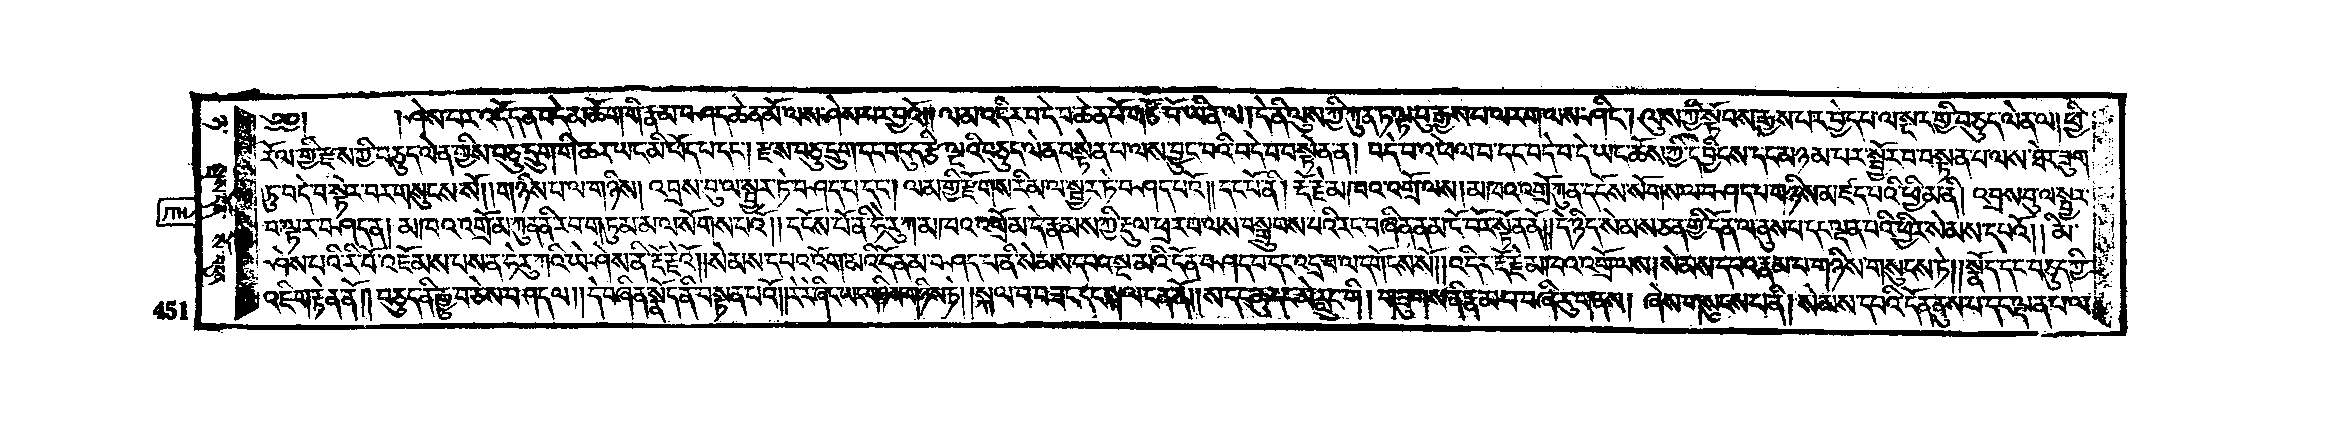༄༅། །ཤེས་པར་འདོད་ན་བདེ་མཆོག་གི་རྣམ་བཤད་ཆེན་མོ་ལས་ཤེས་པར་བྱའོ། །ལམ་འདིར་བདེ་བ་ཆེན་པོ་གཙོ་བོ་ཡིན་ལ། དེ་ནི་ལུས་ཀྱི་ཀུན་ཏ་ལྟ་བུ་རྒྱས་པ་ལ་རག་ལས་ཤིང་། ལུས་ཀྱི་སྟོབས་རྒྱས་པར་བྱེད་པ་ལ་སྔར་གྱི་བཅུད་ལེན་ལ། ཕྱི་
རོལ་གྱི་རྫས་ཀྱི་བཅུད་ལེན་གྱིས་བཅུ་དྲུག་གི་ཆར་ཡང་མི་ཕོད་པ་དང་། རྫས་བཅུ་དྲུག་དང་བདུད་རྩི་ལྔའི་བཅུད་ལེན་བསྟེན་པ་ལས་བྱུང་བའི་བདེ་བ་བསྟེན་ན། བདེ་བ་འཕེལ་བ་དང་བདེ་བ་དེ་ཡང་ཆོས་ཀྱི་དབྱིངས་དང་མཉམ་པར་སྦྱོར་བ་བསྟན་པ་ལས་ཐེར་ཟུག་
ཏུ་བདེ་བ་སྟེར་བར་གསུངས་སོ། །གཉིས་པ་ལ་གཉིས། འབྲས་བུ་ལ་སྦྱར་ཏེ་བཤད་པ་དང་། ལམ་གྱི་རྫོགས་རིམ་ལ་སྦྱར་ཏེ་བཤད་པའོ། །དང་པོ་ནི། རྡོ་རྗེ་མཁའ་འགྲོ་ལས། མཁའ་འགྲོ་ཀུན་དངོས་སོགས་ལ་བཤད་པ་གཉིས་མཛད་པའི་ཕྱི་མ་ནི། འབྲས་བུ་ལ་སྦྱར་
བ་ལྟར་བཤད་ན། མཁའ་འགྲོ་མ་ཀུན་ནི་རབ་གཏུམ་མ་ལ་སོགས་པའོ། །དངོས་པོ་ནི་ཧེ་རུ་ཀ་མཁའ་འགྲོ་མ་དེ་རྣམས་ཀྱི་རྡུལ་ཕྲ་རབ་ལས་བསྒྲུབས་པའི་རང་བཞིན་ནམ་ངོ་བོར་སྟོན་ནོ། །དེ་ཉིད་སེམས་ཅན་གྱི་དོན་ལ་ནུས་པ་དང་ལྡན་པའི་ཕྱིར་སེམས་དཔའོ། །མི་
ཤེས་པའི་རི་བོ་འཇོམས་པས་ན་ཧེ་རུ་ཀའི་ཡེ་ཤེས་ནི་རྡོ་རྗེའོ། །སེམས་དཔའ་འོག་མའི་དོན་མ་བཤད་པ་ནི་སེམས་དཔའ་སྔ་མའི་དོན་བཤད་པ་དང་འདྲ་བ་ལ་དགོངས་སོ། །འདིར་རྡོ་རྗེ་མཁའ་འགྲོ་ལས། སེམས་དཔའ་རྣམ་པ་གཉིས་གསུངས་ཏེ། །སྣོད་དང་བཅུད་ཀྱི་
འཇིག་རྟེན་ནོ། །བཅུད་ནི་རྒྱུ་བ་ཅེས་བཤད་ལ། །དེ་བཞིན་སྣོད་ནི་བསྟན་པའོ། །རེ་རེ་ཞིང་ཡང་གཉིས་གཉིས་ཏེ། །སྐལ་བ་བཟང་དང་སྐལ་ངན་ནོ། །ས་དང་ཆུ་དང་མེ་རླུང་གི །གཟུགས་ནི་རྣམ་པ་བཞི་རུ་གནས། ཞེས་གསུངས་པ་ནི། སེམས་དཔའི་དོན་ནུས་པ་དང་ལྡན་པ་ལ་